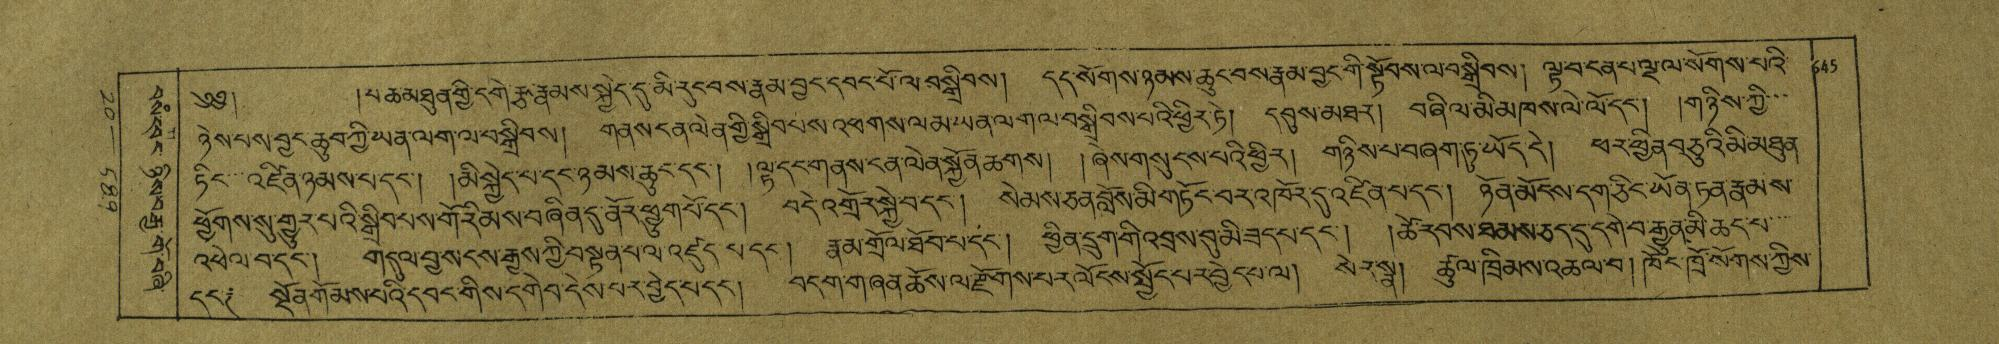༄༅། །པ་ཆ་མཐུན་གྱི་དགེ་རྩ་རྣམས་སྐྱེད་དུ་མི་རུང་བས་རྣམ་བྱང་དབང་པོ་ལ་སྒྲིབས། དད་སོགས་ཉམས་ཆུང་བས་རྣམ་བྱང་གི་སྟོབས་ལ་བསྒྲིབས། ལྟ་བ་ངན་པ་ལྔ་ལ་སོགས་པའི་
ཉེས་པས་བྱང་ཆུབ་ཀྱི་ཡན་ལག་ལ་བསྒྲིབས། གནས་ངན་ལེན་གྱི་སྒྲིབ་པས་འཕགས་ལམ་ཡན་ལག་ལ་བསྒྲིབས་པའི་ཕྱིར་ཏེ། དབུས་མཐར། བཞི་ལ་མི་མཁས་ལེ་ལོ་དང་། །གཉིས་ཀྱི་
ཏིང་འཛིན་ཉམས་པ་དང་། །མི་སྐྱེད་པ་དང་ཉམས་ཆུང་དང་། །ལྟ་དང་གནས་ངན་ལེན་སྐྱོན་ཆགས། །ཞེས་གསུངས་པའི་ཕྱིར། གཉིས་པ་བཞག་ཏུ་ཡོད་དེ། ཕར་ཕྱིན་བཅུའི་མི་མཐུན་
ཕྱོགས་སུ་གྱུར་པའི་སྒྲིབ་པས་གོ་རིམས་བཞིན་དུ་ནོར་ཕྱུག་པོ་དང་། བདེ་འགྲོར་སྐྱེ་བ་དང་། སེམས་ཅན་བློས་མི་གཏོང་བར་འཁོར་དུ་འཛིན་པ་དང་། ཉོན་མོངས་དག་ཅིང་ཡོན་ཏན་རྣམས་
འཕེལ་བ་དང་། གདུལ་བྱ་སངས་རྒྱས་ཀྱི་བསྟན་པ་ལ་འཛུད་པ་དང་། རྣམ་གྲོལ་ཐོབ་པ་དང་། ཕྱིན་དྲུག་གི་འབྲས་བུ་མི་ཟད་པ་དང་། །ཚེ་རབས་ཐམས་ཅད་དུ་དགེ་བ་རྒྱུན་མི་ཆད་པ་
དང༑ སྔོན་གོམས་པའི་དབང་གིས་དགེ་བ་དེས་པར་བྱེད་པ་དང་། བདག་གཞན་ཆོས་ལ་རྫོགས་པར་ལོངས་སྤྱོད་པར་བྱེད་པ་ལ། སེར་སྣ། ཚུལ་ཁྲིམས་འཆལ་བ། ཁོང་ཁྲོ་སོགས་ཀྱིས་